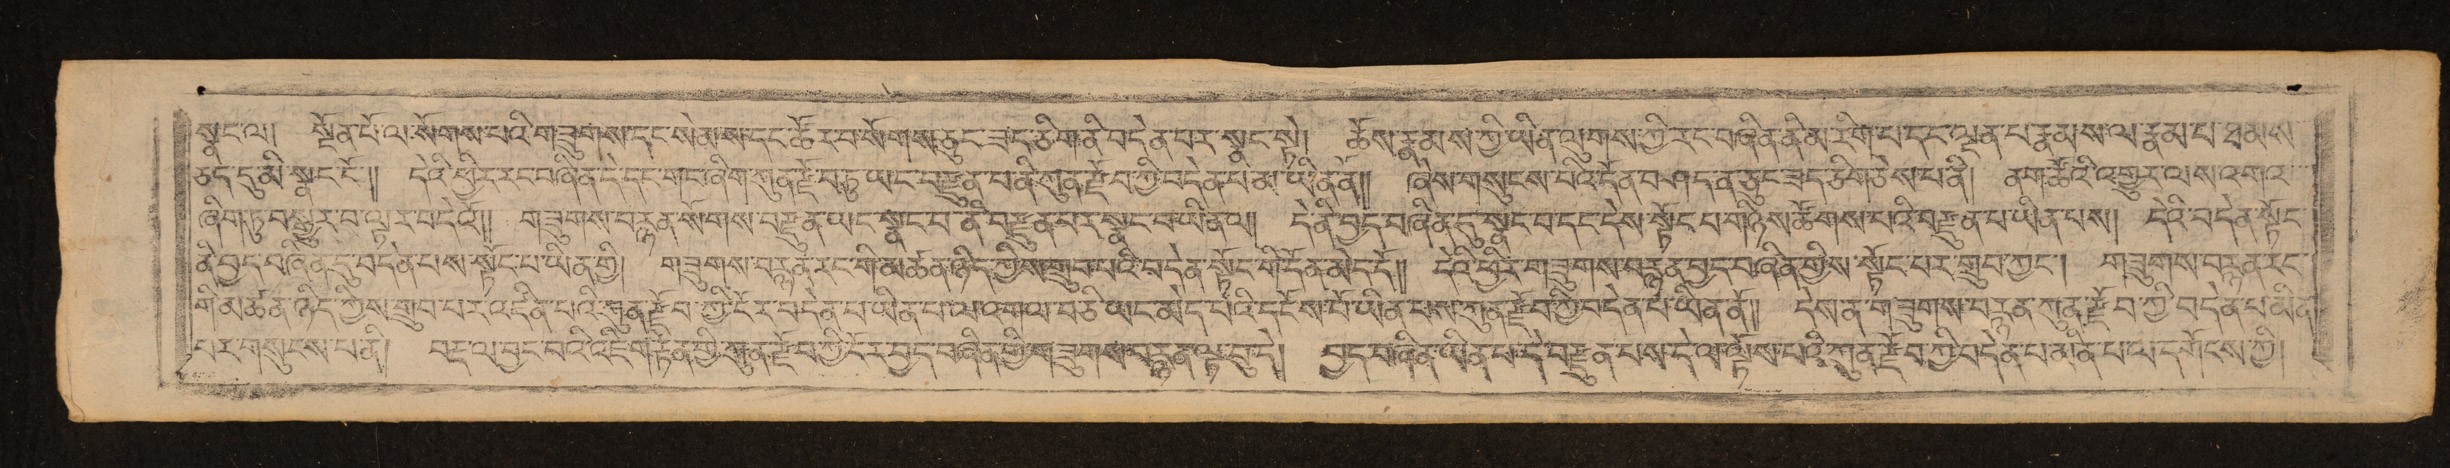སྣང་ལ། སྔོན་པོ་ལ་སོགས་པའི་གཟུགས་དང་སེམས་དང་ཚོར་བ་སོགས་ཅུང་ཟད་ཅིག་ནི་བདེན་པར་སྣང་སྟེ། ཆོས་རྣམས་ཀྱི་ཡིན་ལུགས་ཀྱི་རང་བཞིན་ནི་མ་རིག་པ་དང་ལྡན་པ་རྣམ་ལ་རྣམ་པ་ཐམས་
ཅད་དུ་མི་སྣང་ངོ།། དེའི་ཕྱིར་རང་བཞིན་དེ་དང་གང་ཞིག་ཀུན་རྫོབ་ཏུ་ཡང་བརྫུན་པ་ནི་ཀུན་རྫོབ་ཀྱི་བདེན་པ་མ་ཡིན་ནོ།། ཞེས་གསུངས་པའི་དོན་བཤད་ན་ཅུང་ཟད་ཅིག་ཅེས་པ་ནི། ནག་ཚོའི་འགྱུར་ལས་འགའ་
ཞིག་ཏུ་བསྒྱུར་བ་ལྟར་བདེའོ།། གཟུགས་བརྙན་སོགས་བརྫུན་ཡང་སྣང་བ་ནི་བརྫུན་པར་སྣང་བ་ཡིན་ལ། དེ་ནི་བྱད་བཞིན་དུ་སྣང་བ་དང་དེས་སྟོང་པ་གཉིས་ཚོགས་པའི་བརྫུན་པ་ཡིན་པས། དེའི་བདེན་སྟོང་
ནི་བྱད་བཞིན་དུ་བདེན་པས་སྟོང་པ་ཡིན་གྱི། གཟུགས་བརྙན་རང་གི་མཚན་ཉིད་ཀྱིས་གྲུབ་པའི་བདེན་སྟོང་གི་དོན་མེད་དོ།། དེའི་ཕྱིར་གཟུགས་བརྙན་བྱད་བཞིན་གྱིས་སྟོང་པར་གྲུབ་ཀྱང་། གཟུགས་བརྙན་རང་
གི་མཚན་ཉིད་ཀྱིས་གྲུབ་པར་འཛིན་པའི་ཀུན་རྫོབ་ཀྱི་ངོར་བདེན་པ་ཡིན་པ་ལ་འགལ་བ་ཅི་ཡང་མེད་པའི་དངོས་པོ་ཡིན་པས་ཀུན་རྫོབ་ཀྱི་བདེན་པ་ཡིན་ནོ།། དེས་ན་གཟུགས་བརྙན་ཀུན་རྫོབ་ཀྱི་བདེན་པ་མིན་
པར་གསུངས་པ་ནི། བརྡ་ལ་བྱང་བའི་འཇིག་རྟེན་གྱི་ཀུན་རྫོབ་ཀྱི་ངོར་བྱད་བཞིན་གྱི་གཟུགས་བརྙན་ལྟ་བུ་དེ། བྱད་བཞིན་ཡིན་པ་དེ་བརྫུན་པས་དེ་ལ་ལྟོས་པའི་ཀུན་རྫོབ་ཀྱི་བདེན་པ་མིན་པ་ལ་དགོངས་ཀྱི།